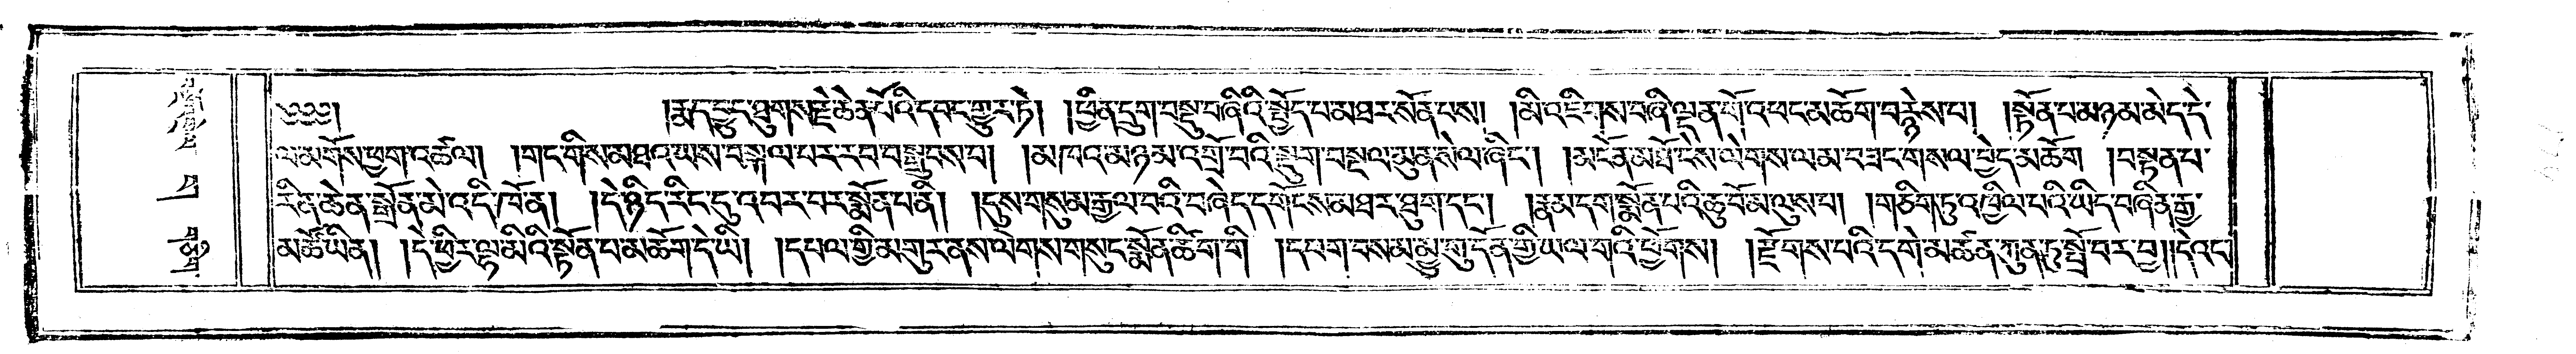༄༅༅། །རྨད་བྱུང་ཐུགས་རྗེ་ཆེན་པོའི་དབང་གྱུར་ཏེ། །ཕྱིན་དྲུག་བསྡུ་བཞིའི་སྤྱོད་པ་མཐར་སོན་པས། །མི་འཇིགས་བཞི་ལྡན་གོ་འཕང་མཆོག་བརྙེས་པ། །སྟོན་པ་མཉམ་མེད་དེ་
ལ་མ་གོས་ཕྱག་འཚལ། །གང་གིས་མཐའ་ཡས་བསྐལ་པར་རབ་བསྒྲུབས་པ། །མཁའ་མཉམ་འགྲོ་བའི་སྡུག་བསྔལ་མུན་སེལ་ཞིང་། །མངོན་མཐོ་ངེས་ལེགས་ལམ་བཟང་གསལ་བྱེད་མཆོག །བསྟན་པ་
རིན་ཆེན་སྒྲོན་མེ་འདི་ཁོ་ན། །དེ་ཉིད་རིང་དུ་འབར་བར་སྨོན་པ་ནི། །དུས་གསུམ་རྒྱལ་བའི་བཞེད་དགོངས་མཐར་ཐུག་དང་། །རྣམ་དག་སྨོན་པའི་ཆུ་བོ་མ་ལུས་པ། །གཅིག་ཏུ་འཁྱིལ་པའི་ཡིད་བཞིན་རྒྱ་
མཚོ་ཡིན། །དེ་ཕྱིར་ལྷ་མིའི་སྟོན་པ་མཆོག་དེ་ཡི། །དཔལ་གྱི་མགུར་ནས་ལེགས་གསུང་སྨོན་ཚིག་གི། །དཔག་བསམ་མྱུ་གུ་དོན་གྱི་ཡལ་གའི་ཕྱོགས། །རྫོགས་པའི་དགེ་མཚན་ཀུན་ཏུ་སྤྲོ་བར་བྱ། །དེའང་